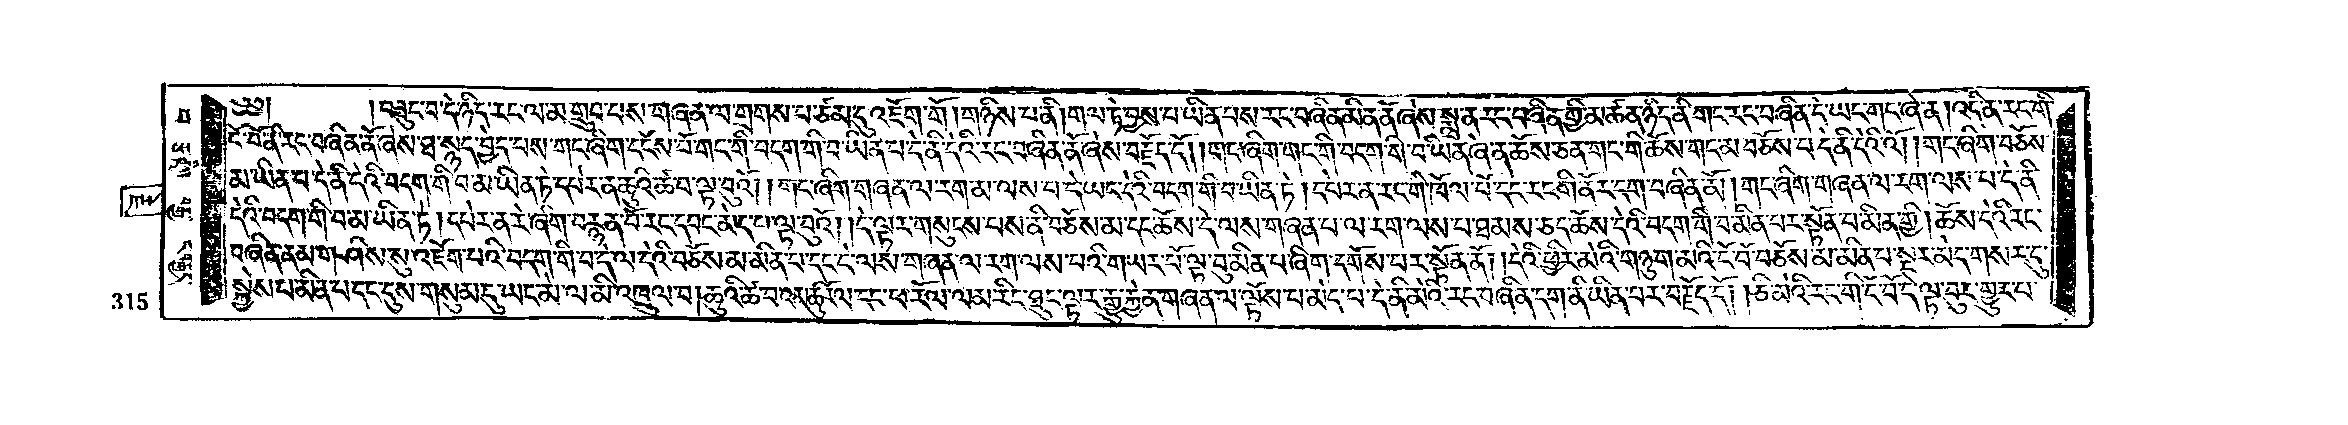༄༅། །བཟུང་བ་དེ་ཉིད་རང་ལམ་གྲུབ་པས་གཞན་ལ་གྲགས་པ་ཙམ་དུ་འཇོག་གོ། གཉིས་པ་ནི། གལ་ཏེ་བྱས་པ་ཡིན་པར་རང་བཞིན་མིན་ནོ་ཞེས་སྨྲ་ན་རང་བཞིན་གྱི་མཚན་ཉིད་ནི་གང་རང་བཞིན་དེ་ཡང་གང་ཞེ་ན། འདི་ན་རང་གི་
ངོ་བོ་ནི་རང་བཞིན་ནོ་ཞེས་ཐ་སྙད་བྱེད་པས་གང་ཞིག་དངོས་པོ་གང་གི་བདག་གི་བ་ཡིན་པ་དེ་ནི་དེའི་རང་བཞིན་ནོ་ཞེས་བརྗོད་དོ། །གང་ཞིག་གང་གི་བདག་གི་བ་ཡིན་ཞེ་ན་ཆོས་ཅན་གང་གི་ཆོས་གང་མ་བཅོས་པ་དེ་ནི་དེའིའོ། །གང་ཞིག་བཅོས་
མ་ཡིན་པ་དེ་ནི་དེའི་བདག་གི་བ་མ་ཡིན་ཏེ་དཔེར་ན་ཆུའི་ཚ་བ་ལྟ་བུའོ། །གང་ཞིག་གཞན་ལ་རག་མ་ལས་པ་དེ་ཡང་དེའི་བདག་གི་བ་ཡིན་ཏེ། དཔེར་ན་རང་གི་ཁོལ་པོ་དང་རང་གི་ནོར་དག་བཞིན་ནོ། །གང་ཞིག་གཞན་ལ་རག་ལས་པ་དེ་ནི་
དེའི་བདག་གི་བ་མ་ཡིན་ཏེ། དཔེར་ན་རེ་ཞིག་བརྙན་པ་རང་དབང་མེད་པ་ལྟ་བུའོ། །དེ་ལྟར་གསུངས་པས་ནི་བཅོས་མ་དང་ཆོས་དེ་ལས་གཞན་པ་ལ་རག་ལས་པ་ཐམས་ཅད་ཆོས་དེའི་བདག་གི་བ་མིན་པར་སྟོན་པ་མིན་གྱི། ཆོས་དེའི་རང་
བཞིན་ནམ་གཤིས་སུ་འཇོག་པའི་བདག་གི་བ་དེ་ལ་དེའི་བཅོས་མ་མིན་པ་དང་དེ་ལས་གཞན་ལ་རག་ལས་པའི་གཡར་པོ་ལྟ་བུ་མིན་པ་ཞིག་དགོས་པར་སྟོན་ནོ། །དེའི་ཕྱིར་མེའི་གཉུག་མའི་ངོ་བོ་བཅོས་མ་མིན་པ་སྔར་མེད་གསར་དུ་
སྐྱེས་པ་མིན་པ་དང་དུས་གསུམ་དུ་ཡང་མེ་ལ་མི་འཁྲུལ་ལ། ཆུའི་ཆ་བ་འམ་ཚུ་རོལ་དང་ཕ་རོལ་ལམ་རིང་ཐུང་ལྟར་རྒྱུ་རྐྱེན་གཞན་ལ་ལྟོས་པ་མེད་པ་དེ་ནི་མེའི་རང་བཞིན་དག་ནི་ཡིན་པར་བརྗོད་དོ། །ཅི་མེའི་རང་གི་ངོ་བོ་དེ་ལྟ་བུར་གྱུར་པ་